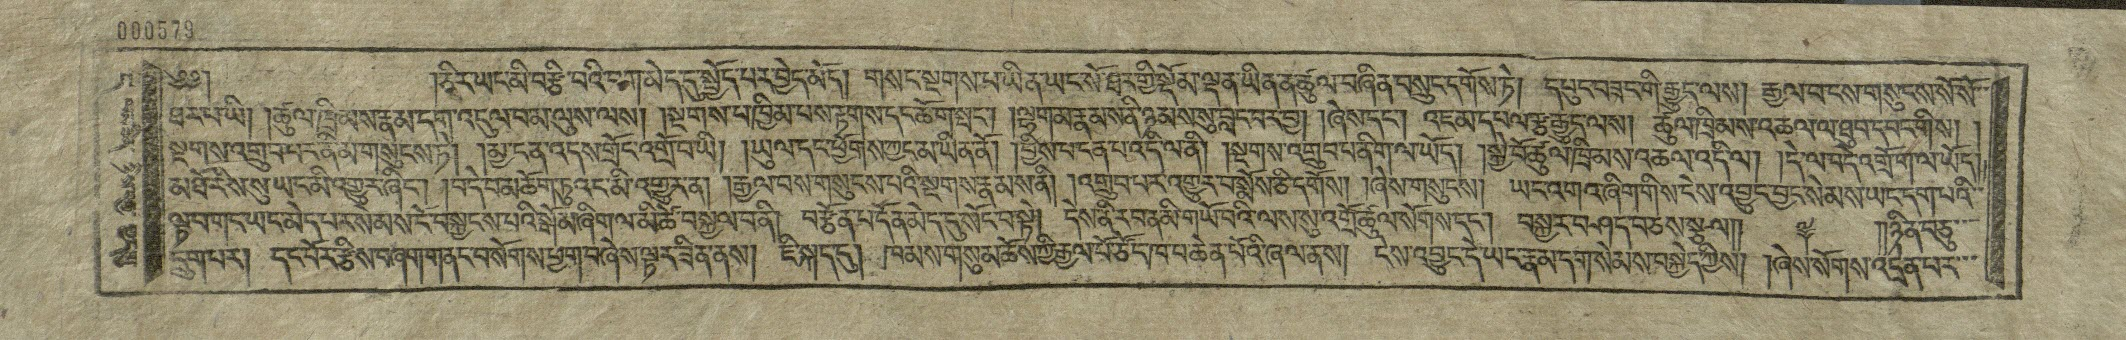༄༅། །ཅིར་ཡང་མི་བརྩི་བའི་བག་མེད་དུ་སྤྱོད་པར་བྱེད་མོད། གསང་སྔགས་པ་ཡིན་ཡང་སོ་ཐར་གྱི་སྡོམ་ལྡན་ཡིན་ན་ཚུལ་བཞིན་བསྲུང་དགོས་ཏེ། དཔུང་བཟང་གི་རྒྱུད་ལས། རྒྱལ་བ་ངས་གསུངས་སོ་སོ་
ཐར་པ་ཡི། །ཚུལ་ཁྲིམས་རྣམ་དག་འདུལ་བ་མ་ལུས་ལས། །སྔགས་པ་ཁྱིམ་པས་རྟགས་དང་ཆོ་ག་སྤང་། །ལྷག་མ་རྣམས་ནི་ཉམས་སུ་བླང་བར་བྱ། །ཞེས་དང་། འཇམ་དཔལ་རྩ་རྒྱུད་ལས། ཚུལ་ཁྲིམས་འཆལ་ལ་ཐུབ་དབང་གིས། །
སྔགས་འགྲུབ་པར་ནི་མ་གསུངས་ཏེ། །མྱ་ངན་ལས་འདས་གྲོང་འགྲོ་བ་ཡི། །ཡུལ་དང་ཕྱོགས་ཀྱང་མ་ཡིན་ནོ། །བྱིས་པ་ངན་པ་འདི་ལ་ནི། །སྔགས་འགྲུབ་པ་ནི་ག་ལ་ཡོད། །སྐྱེ་བོ་ཚུལ་ཁྲིམས་འཆལ་འདི་ལ། །དེ་ལ་བདེ་འགྲོ་ག་ལ་ཡོད། །
མཐོ་རིས་སུ་ཡང་མི་འགྱུར་ཞིང་། །བདེ་བ་མཆོག་ཏུའང་མི་འགྱུར་ན། །རྒྱལ་བས་གསུངས་པའི་སྔགས་རྣམས་ནི། །འགྲུབ་པར་འགྱུར་བ་སྨོས་ཅི་དགོས། །ཞེས་གསུངས། ཡང་འགའ་ཞིག་གིས་ངེས་འབྱུང་བྱང་སེམས་ཡང་དག་པའི་
ལྟ་བ་གང་ཡང་མེད་པར་སེམས་ངོ་བསྐྱངས་པའི་སྒོམ་ཞིག་ལ་མི་ཚེ་བསྐྱལ་བ་ནི། བརྩོན་པ་དོན་མེད་དུ་སོང་བ་སྟེ། དེས་ནི་རབ་ན་མི་གཡོ་བའི་ལས་སུ་འགྲོ་ཚུལ་སོགས་དང་། བསྐྱར་བཤད་བཅས་སྩལ།། ༈ །།ཉིན་བཅུ་
དྲུག་པར། དང་པོར་རྩིས་བཞག་གནང་བ་སོགས་ཕྱག་བཞེས་ལྟར་ཟིན་ནས། ཇི་སྐད་དུ། ཁམས་གསུམ་ཆོས་ཀྱི་རྒྱལ་པོ་ཙོང་ཁ་པ་ཆེན་པོའི་ཞལ་ནས། ངེས་འབྱུང་དེ་ཡང་རྣམ་དག་སེམས་བསྐྱེད་ཀྱིས། །ཞེས་སོགས་འདྲེན་པར་